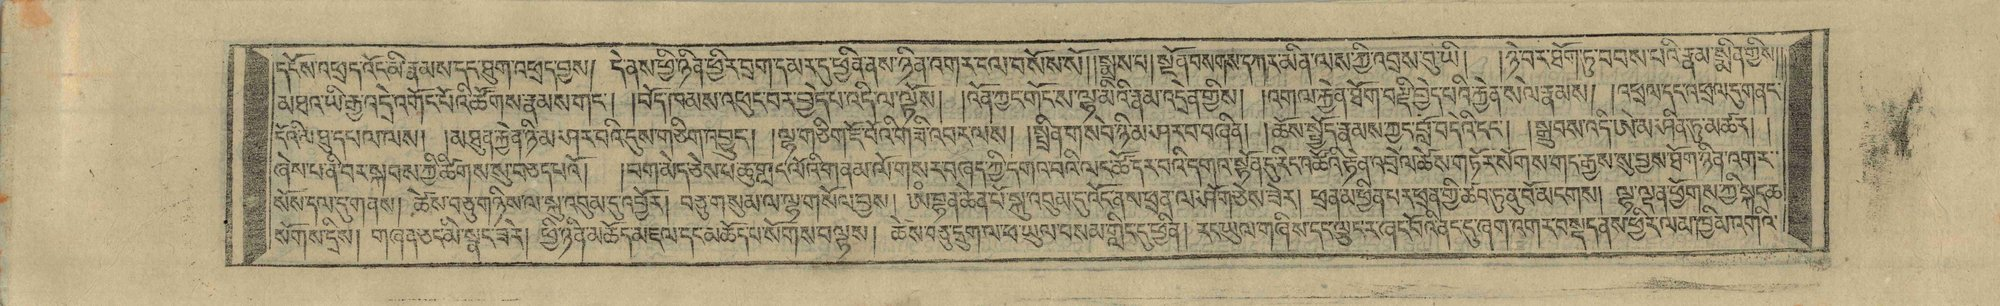དངོས་འཕྲད་འོང་མི་རྣམས་དང་ཐུག་འཕྲད་བྱས། དེ་ནས་ཕྱི་ཉིན་ཕྱིར་བྲག་དམར་དུ་ཕྱིན་ནས་ཉིན་འགར་ངལ་བསོས་སོ། །སྨྲས་པ། སྔོན་བསགས་དཀར་མིན་ལས་ཀྱི་འབྲས་བུ་ཡི། །ཉེ་བར་ཐོག་ཏུ་བབས་པའི་རྣམ་སྨིན་གྱིས། །
མཐའ་ཡི་རྒྱ་འདྲེ་འགོང་པོའི་ཚོགས་རྣམས་གང་། །བོད་ཁམས་འཕུང་བར་བྱེད་པ་འདི་ལ་ལྟོས། །འོན་ཀྱང་གོང་ས་ལྷ་མིའི་རྣམ་འདྲེན་གྱིས། །འགལ་རྐྱེན་ཐོག་བརྫི་བྱེད་པའི་རྐྱེན་སེལ་རྣམས། །འཕྲལ་དང་འཕྲལ་དུ་གནང་
ངོའི་མཐུ་དཔལ་ལས། །མཐུན་རྐྱེན་ཉི་མ་ཤར་བའི་དུས་གཅིག་འབྱུང་། །ལྷ་གཅིག་ཇོ་བོའི་གཟི་འབར་ལས། །སྤྲིན་གསེབ་ཉི་མ་ཤར་བ་བཞིན། །ཆོས་སྤྱོད་རྣམས་ཀྱང་བློ་བདེའི་ངང་། །སྒྲུབས་འདི་ཨེ་མ་ཤིན་ཏུ་མཚར། །
ཞེས་པ་ནི་བར་སྐབས་ཀྱི་ཚིགས་སུ་བཅད་པའོ། །བག་མེད་ཅེས་པ་ཆུ་གླང་ལོའི་གནམ་ལོ་གསར་བཞད་ཀྱི་དགའ་བའི་ལང་ཚོ་དར་བའི་དགའ་སྟོན་དུ་རིང་འཚོའི་རྟེན་འབྲེལ་ཚེས་གཏོར་སོགས་གང་རྒྱས་སུ་བྱས་ཐོག་ཉིན་འགར་
སོས་དལ་དུ་གནས། ཚེས་བཅུ་གཉིས་ལ་སྐུ་འབུམ་དུ་འབྱོར། བཅུ་གསུམ་ལ་ལྷ་གསོལ་བྱས། ཨཾ་བྷན་ཆེན་པོ་སྐུ་འབུམ་དུ་འོང་ནས་ཕྲན་ལ་ཤོག་ཅེས་ཟེར། ཕྲན་མ་ཕྱིན་པར་ཕྲན་གྱི་ཚབ་ཏུ་ནུ་བོ་མངགས། ལྷ་ལྡན་ཕྱོགས་ཀྱི་སྐད་ཆ་
སོགས་དྲིས། གཞན་ཅང་མི་སྣང་ཟེར། ཕྱི་ཉིན་མཆོད་མཇལ་དང་མཆོད་པ་སོགས་བལྟས། ཚེས་བཅུ་དྲུག་ལ་ཕ་ཡུལ་བསམ་གླིང་དུ་ཕྱིན། རང་ཡུལ་གཞིས་དང་ལྕང་ར་ཞང་བོའི་ནང་དུ་ཞག་འགར་བསྡད་ནས་ཕྱིར་ལམ་ཁྱིམ་འགའི་